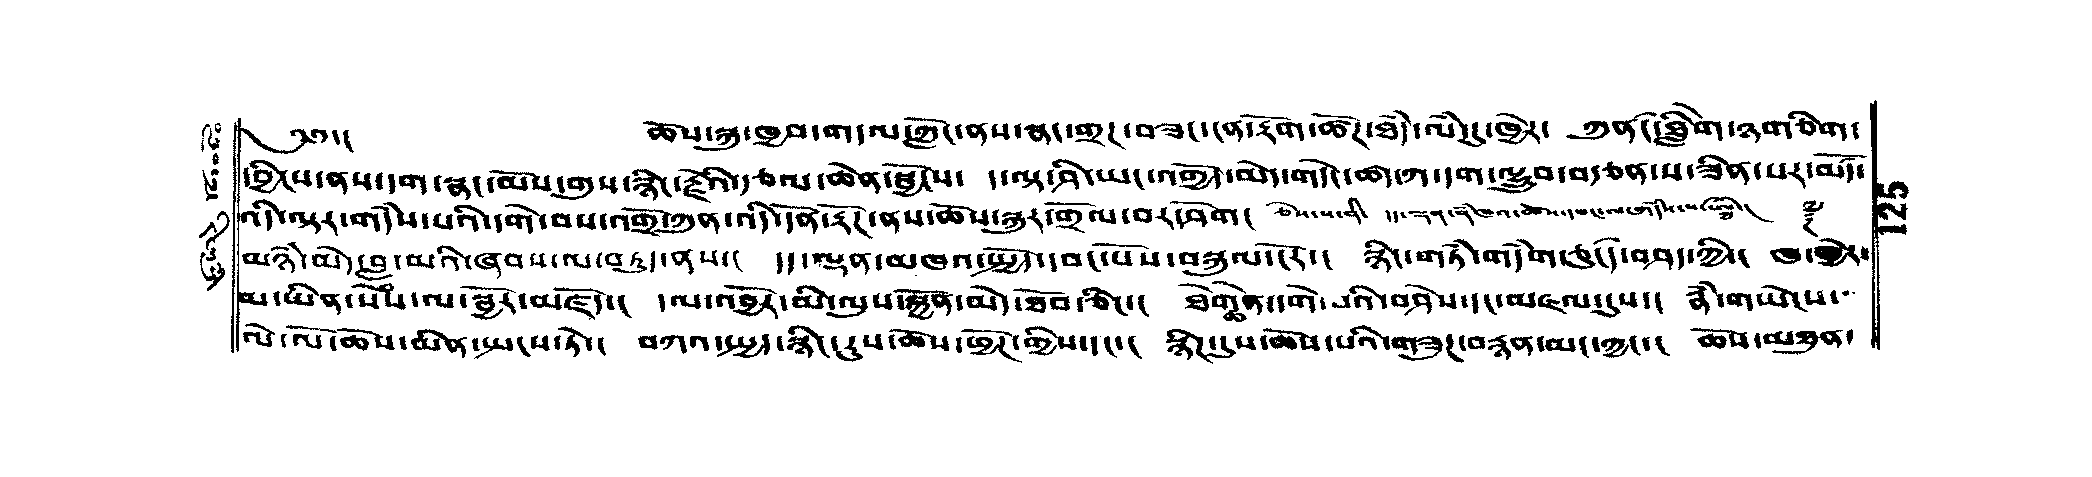ཆོས་སྐུ་ཁྱབ་གདལ་ཀློང་ནས་སྣང་གྲགས་བཟང་ངན་རྟོག་ཚོགས་ཐམས་ཅད་ལམ་དུ་ཁྱེར། །ཀུན་བཟང་ཐིག་ལེ་ཉག་གཅིག་
དབྱིངས་ནས་དག་སྣང་མོས་གུས་རྩལ་ཆེན་སྦྱོངས། །ད་ལྟ་ཤི་ཡང་འགྱོད་མེད་གདེང་ཚད་ཀ་དག་ལྷུན་གྲུབ་བཙན་ས་ཟིན་པར་མཛོད། །
འདི་ལྟར་གདམས་པའི་དགེ་བས་འགྲོ་ཀུན་འདི་དོན་རྟོགས་ནས་ཆོས་སྐུར་གྲོལ་བར་ཤོག །ཅེས་པ་ནི་དད་ལྡན་ནམ་མཁའ་ཆོས་དབང་ལ་གདམས་པ་། ༈ 
མཉམ་མེད་བླ་མའི་ཞབས་ལ་བཏུད་ནས། །དད་ལྡན་མཁའ་སྤྱོད་དབང་མོས་བསྐུལ་ངོར། །སྙིང་གཏམ་གདམས་ངག་ཅུང་ཟད་བཤད་ཀྱི། །ཁ་ཁྱེར་
མ་ཡིན་སེམས་ལ་སྦྱོར་མཛོད། །དལ་འབྱོར་མི་ལུས་སྐྱོན་མེད་ཐོབ་ཅིང་། །ཐེག་ཆེན་དགེ་བའི་བཤེས་དང་མཇལ་དུས། །རྣམ་གཡེང་
ལེ་ལོ་ཆོས་མིན་སྤངས་ཏེ། །བཀའ་སྤྱད་སྙིང་རུས་ཆོས་ཕྱོགས་གྱིས་དང་། །སྙིགས་དུས་ཆོས་པའི་གཟུགས་བརྙན་མང་ཡང་། །ཆོས་མཐུན་